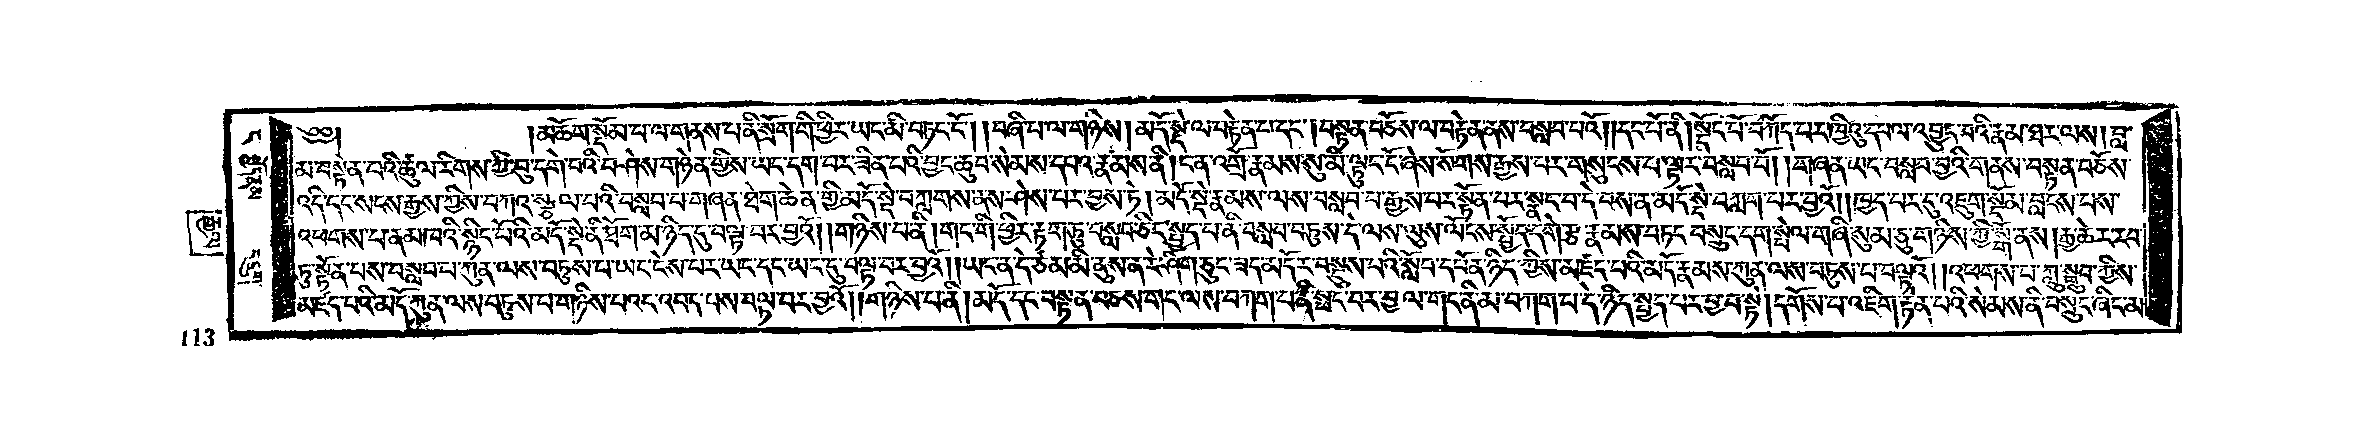༄༅། །མཆོག་སྡོམ་པ་ལ་གནས་པ་ནི་སྲོག་གི་ཕྱིར་ཡང་མི་བཏང་ངོ། །བཞི་པ་ལ་གཉིས། མདོ་སྡེ་ལ་བརྟེན་པ་དང་། བསྟན་བཅོས་ལ་བརྟེན་ནས་བསླབ་པའོ། །དང་པོ་ནི། སྡོང་པོ་བཀོད་པར་ཁྱིའུ་དཔལ་འབྱུང་བའི་རྣམ་ཐར་ལས། བླ་
མ་བསྟེན་པའི་ཚུལ་རིགས་ཀྱི་བུ་དགེ་བའི་བཤེས་གཉེན་གྱིས་ཡང་དག་པར་ཟིན་པའི་བྱང་ཆུབ་སེམས་དཔའ་རྣམས་ནི། ངན་འགྲོ་རྣམས་སུ་མི་ལྟུང་ངོ་ཞེས་སོགས་རྒྱས་པར་གསུངས་པ་ལྟར་བསླབ་བོ། །གཞན་ཡང་བསླབ་བྱའི་གནས་བསྟན་བཅོས་
འདི་དང་སངས་རྒྱས་ཀྱིས་བཀའ་སྩལ་བའི་བསླབ་པ་གཞན་ཐེག་ཆེན་གྱི་མདོ་སྡེ་བཀླགས་ནས་ཤེས་པར་བྱས་ཏེ། མདོ་སྡེ་རྣམས་ལས་བསླབ་པ་རྒྱས་པར་སྟོན་པར་སྣང་བ་དེ་བས་ན་མདོ་སྡེ་བཀག་པར་བྱའོ། །ཁྱད་པར་དུ་འཇུག་སྡོམ་ལྦངས་པས་
འཕགས་པ་ནམ་མཁའི་སྙིང་པོའི་མདོ་སྡེ་ནི་ཐོག་མ་ཉིད་དུ་བལྟ་བར་བྱའོ། །གཉིས་པ་ནི། གང་གི་ཕྱིར་རྟག་ཏུ་བསླབ་ཅིང་སྤྱད་པ་ནི་བསླབ་བཏུས་དེ་ལས་ལུས་ལོངས་སྤྱོད་དགེ་རྩ་རྣམས་བཏང་བསྲུང་དག་སྤེལ་གཞི་སུམ་ཅུ་གཉིས་ཀྱི་སྒོ་ནས། རྒྱ་ཆེར་རབ་
ཏུ་སྟོན་པས་བསླབ་པ་ཀུན་ལས་བཏུས་པ་ཡང་ངེས་པར་ཡང་དང་ཡང་དུ་བལྟ་བར་བྱའོ། །ཡང་ན་དེ་ཙམ་མི་ནུས་ན་རེ་ཤིག་ཅུང་ཟད་མདོར་བསྡུས་པའི་སློབ་དཔོན་ཉིད་ཀྱིས་མཛད་པའི་མདོ་རྣམས་ཀུན་ལས་བཏུས་པ་བལྟའོ། །འཕགས་པ་ཀླུ་སྒྲུབ་ཀྱིས་
མཛད་པའི་མདོ་ཀུན་ལས་བཏུས་པ་གཉིས་པའང་འབད་པས་བལྟ་བར་བྱའོ། །གཉིས་པ་ནི། མདོ་དང་བསྟན་བཅས་གང་ལས་བཀག་པ་ནི་སྤང་བར་བྱ་ལ་གང་ནི་མ་བཀག་པ་དེ་ཉིད་སྤྱད་པར་བྱ་བ་སྟེ། དགོས་པ་འཇིག་རྟེན་པའི་སེམས་ནི་བསྲུང་ཞིང་མ་